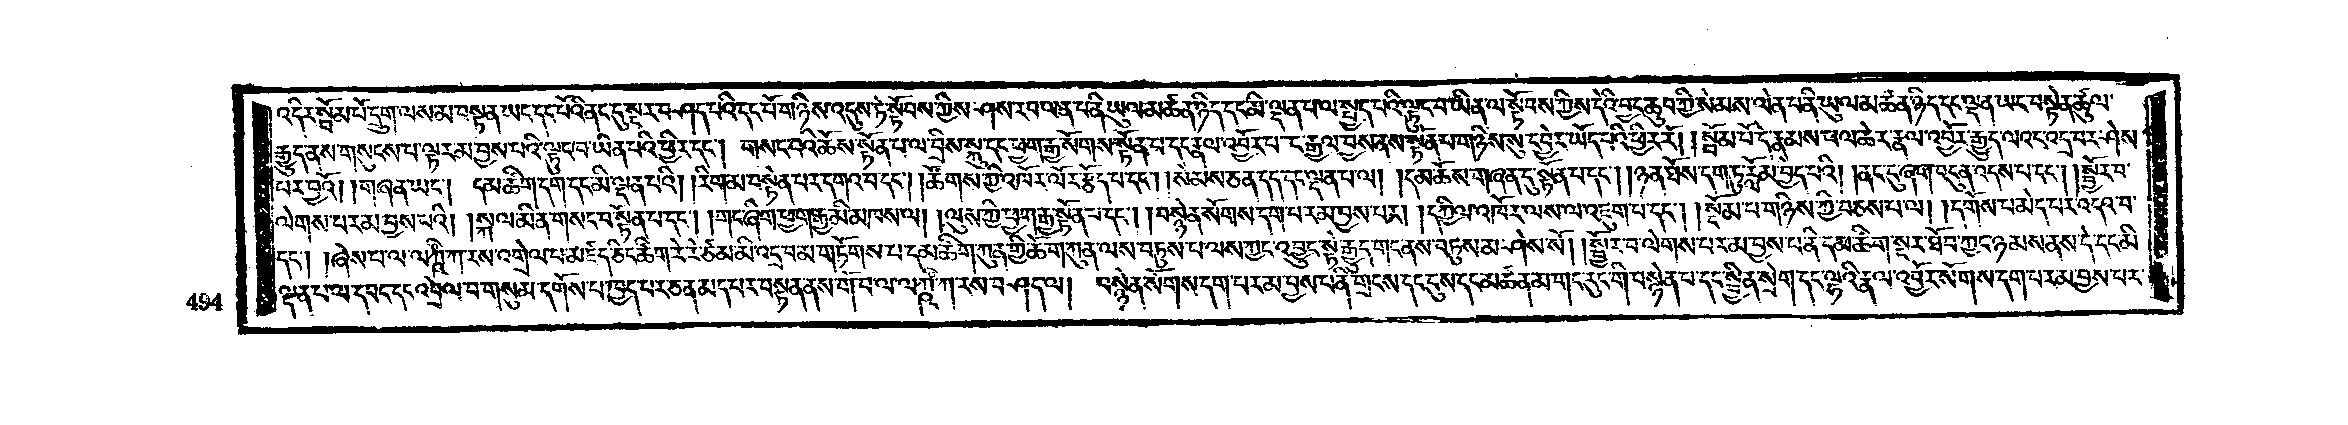འདིར་སྦོམ་པོ་དྲུག་ལས་མ་བསྟན་ཡང་དང་པོའི་ནང་དུ་སྔར་བཤད་པའི་དང་པོ་གཉིས་འདུས་ཏེ་སྟོབས་ཀྱིས་ཤེས་རབ་ལན་པ་ནི་ཡུལ་མཚན་ཉིད་དང་མི་ལྡན་པ་ལ་སྤྱད་པའི་ལྟུང་བ་ཡིན་ལ་སྟོབས་ཀྱིས་དེའི་བྱང་ཆུབ་ཀྱི་སེམས་ལེན་པ་ནི་ཡུལ་མཚན་ཉིད་དང་ལྡན་ཡང་བསྟེན་ཚུལ་
རྒྱུད་ནས་གསུངས་པ་ལྟར་མ་བྱས་པའི་ལྟུང་བ་ཡིན་པའི་ཕྱིར་དང་། གསང་བའི་ཆོས་སྟོན་པ་ལ་བྲིས་སྐུ་དང་ཕྱག་རྒྱ་སོགས་སྟོན་པ་དང་རྣལ་འབྱོར་པ་ང་རྒྱལ་བྱས་ནས་སྟོན་པ་གཉིས་སུ་དབྱེར་ཡོད་པའི་ཕྱིར་རོ། །སྦོམ་པོ་དེ་རྣམས་ཕལ་ཆེར་རྣལ་འབྱོར་རྒྱུད་ལའང་འདྲ་བར་ཤེས་
པར་བྱའོ། །གཞན་ཡང་། དམ་ཚིག་དག་དང་མི་ལྡན་པའི། །རིག་མ་བསྟེན་པར་དགའ་བ་དང་། །ཚོགས་ཀྱི་འཁོར་ལོར་རྩོད་པ་དང་། །སེམས་ཅན་དད་དང་ལྡན་པ་ལ། །དམ་ཆོས་གཞན་དུ་སྟོན་པ་དང་། །ཉན་ཐོས་དག་ཏུ་རློམ་བྱེད་པའི། །ནང་དུ་ཞག་བདུན་འདས་པ་དང་། །སྦྱོར་བ་
ལེགས་པར་མ་བྱས་པའི། །སྐལ་མིན་གསང་བ་སྟོན་པ་དང་། །གང་ཞིག་ཕྱག་རྒྱ་མི་མཁས་ལ། །ལུས་ཀྱི་ཕྱག་རྒྱ་སྟོན་པ་དང་། །བསྙེན་སོགས་དག་པར་མ་བྱས་པར། །དཀྱིལ་འཁོར་ལས་ལ་འཇུག་པ་དང་། །སྡོམ་པ་གཉིས་ཀྱི་བཅས་པ་ལ། །དགོས་པ་མེད་པར་འདའ་བ་
དང་། །ཞེས་པ་ལ་ལཀྵིཾ་ཀ་རས་འགྲེལ་པ་མཛད་ཅིང་ཚིག་རེ་རེ་ཙམ་མི་འདྲ་བ་མ་གཏོགས་པ་དམ་ཚིག་ཀུན་གྱི་ཆོ་ག་ཀུན་ལས་བཏུས་པ་ལས་ཀྱང་འབྱུང་སྟེ་རྒྱུད་གང་ནས་བཏུས་མ་ཤེས་སོ། །སྦྱོར་བ་ལེགས་པར་མ་བྱས་པ་ནི་དམ་ཚིག་སྔར་ཐོབ་ཀྱང་ཉམས་ནས་དེ་དང་མི་
ལྡན་པ་ལ་དབང་དང་འབྲེལ་བ་གསུམ་དགོས་པ་ཁྱད་པར་ཅན་མེད་པར་བསྟན་ནས་གོ་བ་ལ་ལཀྵིཾ་ཀ་རས་བཤད་ལ། བསྙེན་སོགས་དག་པར་མ་བྱས་པ་ནི་གྲངས་དང་དུས་དང་མཚན་མ་གང་རུང་གི་བསྙེན་པ་དང་སྦྱིན་སྲེག་དང་ལྷའི་རྣལ་འབྱོར་སོགས་དག་པར་མ་བྱས་པར་